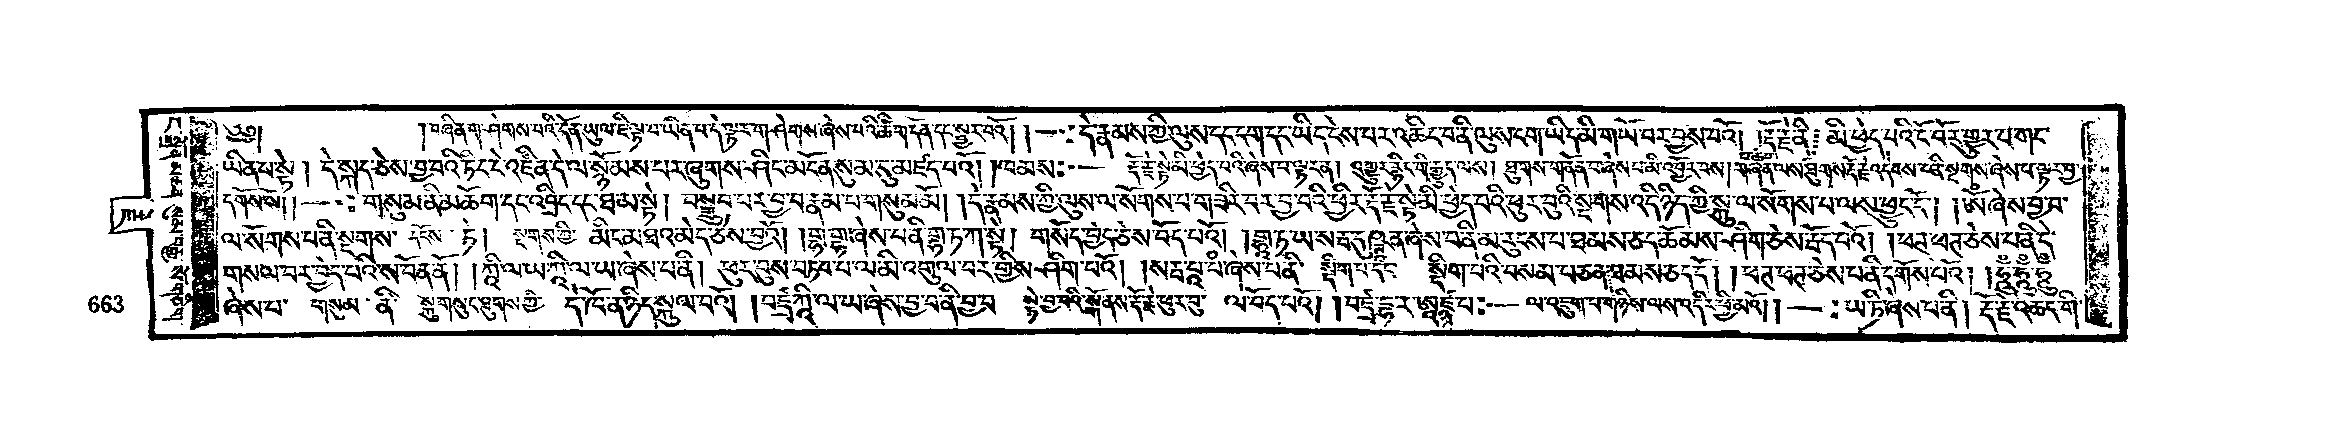༄༅། །བཞིན་གཤེགས་པའི་དོན་ཡུལ་ཇི་ལྟ་བ་ཡིན་པ་དེ་ལྟར་གཤེགས་ཞེས་པའི་ཚིག་དོན་དང་སྦྱར་བའོ། ། .Hདེ་རྣམས་ཀྱི་ལུས་དང་ངག་དང་ཡིད་ངེས་པར་འཆིང་བ་ནི་ལུས་ངག་ཡིད་མི་གཡོ་བར་བྱས་པའོ། །རྡོ་རྗེ་ནི་མི་ཕྱེད་པའི་ངོ་བོར་གྱུར་པ་གང་
ཡིན་པ་སྟེ། དེ་སྐད་ཅེས་བྱ་བའི་ཏིང་ངེ་འཛིན་དེ་ལ་སྙོམས་པར་ཞུགས་ཤིང་མངོན་སུམ་དུ་མཛད་པའོ། །ཁམསཿ་རྡོ་རྗེ་སྟེ་མི་ཕྱེད་པའི་ཞེས་པ་ལྟར་ན། འགྱུར་རྙིང་གི་རྒྱུད་ལས། ཐུགས་གནོན་པ་ཞེས་པ་མི་འབྱོར་བས། པ་ཚབ?་གཞན་ལས་ཐུགས་རྡོ་རྗེ་འདེབས་པ་ནི་སྔགས་ཞེས་པ་ལྟར་བྱ་
དགོས་སོ། ། .Hགསུམ་ནི་མཆོག་དང་འབྲིང་དང་ཐ་མ་སྟེ། བསྒྲུབ་པར་བྱ་བ་རྣམ་པ་གསུམ་མོ། །དེ་རྣམས་ཀྱི་ལུས་ལ་སོགས་པ་གཟིར་བར་བྱ་བའི་ཕྱིར་རྡོ་རྗེ་སྟེ་མི་ཕྱེད་པའི་ཕུར་བུའི་སྔགས་འདི་ཉིད་ཀྱི་སྐུ་ལ་སོགས་པ་ལས་ཕྱུང་ངོ། །ཨོཾ་ཞེས་བྱ་བ་
ལ་སོགས་པ་ནི་སྔགས་དངོས་ཏེ། སྔགས་ཀྱི་མིང་མཐའ་མེད་ཅེས་བྱའོ། །གྷ་གྷ་ཞེས་པ་ནི་གྷ་ཏ་ཀ་སྟེ་གསོད་བྱེད་ཅེས་བོད་པའོ། །གྷཱ་ཏ་ཡ་སརྦ་དུཥྚཱན་ཞེས་པ་ནི་མ་རུངས་པ་ཐམས་ཅད་ཆོ་མས་ཤིག་ཅེས་རྦོད་པའོ། །ཕཊ་ཕཊ་ཅེས་པ་ནི་དེ་
གསལ་བར་བྱེད་པའི་ས་བོན་ནོ། །ཀཱི་ལ་ཡ་ཀཱི་ལ་ཡ་ཞེས་པ་ནི། ཕུར་བུས་བཏབ་པ་ལ་མི་འགུལ་བར་གྱིས་ཤིག་པའོ། །སརྦ་པཱ་པཾ་ཞེས་པ་ནི་སྡིག་པ་དང་སྡིག་པའི་བསམ་པ་ཅན་ཐམས་ཅད་དོ། །ཕཊ་ཕཊ་ཅེས་པ་ནི་དགས་པའོ། །ཧཱུཾ་ཧཱུཾ་ཧཱུཾ་ཞེས་པ་གསུམ་ནི་སྐུ་གསུང་ཐུགས་ཀྱི་དེ་ཁོ་ན་ཉིད་སྐུལ་བའོ། །བཛྲ་ཀཱི་ལ་ཡ་ཞེས་བྱ་བ་ནི་བྱ་བ་སྟེ་བྱ་བའི་སྒོ་ནས་རྡོ་རྗེ་ཕུར་བུ་ལ་བོད་པའོ། །བཛྲ་དྷ་ར་ཨཱཛྙཱ་པཿ་ལ་འཇུག་པ་གཉིས་ལས་འདིར་ཕྱི་མའོ། །  .Hཡ་ཏི་ཞེས་པ་ནི། རྡོ་རྗེ་འཆང་གི་